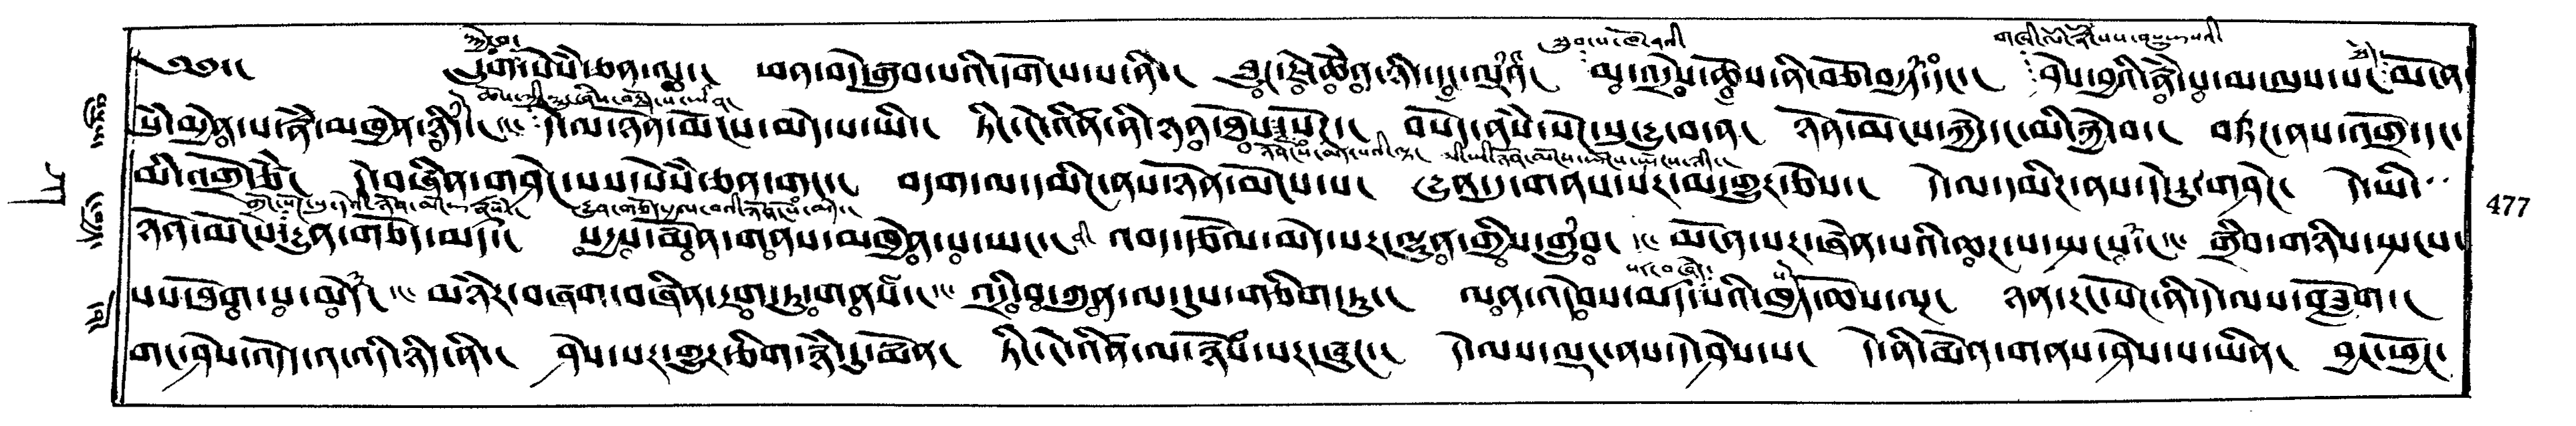དྲུག་སྐྱེ་བ་སེམས་ཅན་ལ། །ཕན་བདེ་སྒྲུབ་པའི་དགོངས་པ་ནི། །ཐུགས་རྗེ་ཆེན་པོ་ཉིད་དང་ལྡན།། ཐུབ་པ་ཁོ་ནའི་མ་འདྲེས་ཆོས་ནི་བཅོ་བརྒྱད་དང་།། གཞི་ལམ་རྣམ་པས་བསྡུས་པའི་ཤེས་བྱའི་རྣམ་པ་མ་ལུས་པ།། ཐམས་ཅད་མངོན་
སུམ་མཁྱེན་པ་རྣམ་མཁྱེན་ཉིད།། དང་། ཆོས་ཀྱི་སྐུ་ཞེས་བརྗོད་པ་ཡིན། དེ་ལ་ཉོན་མོངས་མེད་པ་ཡི། །ཏིང་ངེ་འཛིན་ནི་ཉན་ཐོས་ཉོན་མོངས་མེད་པའི་ལྟ། །མི་ཡི་ཉོན་མོངས་ཡོངས་སྤོངས་ཉིད། སོགས། བསོད་སྙོམས་སོགས་སུ་རྒྱུ་བ་ན། །ཉོན་མོངས་སྐྱེ་དང་མི་སྐྱེ་བ། །བརྟགས་ནས་འགྲོ་དང་
མི་འགྲོ་ཙམ། །དེ་བཞིན་གཤེགས་པས་སེམས་ཅན་གང་། །བདག་ལ་དམིགས་ནས་ཉོན་མོངས་པ། །རྒྱུན་དུ་གནས་པར་མ་གྱུར་ཅེས། །དེ་ལ་དམིགས་ནས་དེ་རུ་གཤེགས། །དེ་ཡི་
ཉོན་མོངས་གྲོང་སོགས་སུ་དེའི་ཉོན་མོངས་རྣམས། །རྒྱུན་གཅོད་རྒྱལ་བའི་ཉོན་མོངས་མེད། རྒྱུན་གཅོད་མཛད། །སངས་རྒྱས་སྨོན་གནས་མཁྱེན་པ་ཡང་།། ནི་འབད་རྩོལ་མེད་པར་ལྷུན་གྱིས་གྲུབ། །མངོན་པར་ཞེན་པའི་ཆགས་པ་སྤངས་། །སྒྲིབ་གཉིས་སྤངས་
པས་ཐོག་པ་མེད། །མཉམ་པར་བཞག་བཞིན་རྟག་ཏུ་གནས། འདྲི་བ་ཀུན་ལ་དུས་གཅིག་ཏུ། །ལན་འདེབས་མཛད་པར་བཞེད་པའི་ཁྱད་ཆོས་ལྔ། །ཉན་རང་སོགས་ནི་དེ་ལས་ལྡོག །
གང་ཤེས་འདོད་ན་འདི་ཉིད་ནི། །ཤེས་པར་གྱུར་ཅིག་སྙམ་དུ་སྨོན། །ཏིང་ངེ་འཛིན་ལ་སྙོམས་པར་ཞུགས། །དེ་ལས་ལྡང་ནས་དེ་ཤེས་པ། །དེ་ནི་སྨོན་གནས་ཤེས་པ་ཡིན། །བྱང་ཕྱོགས་